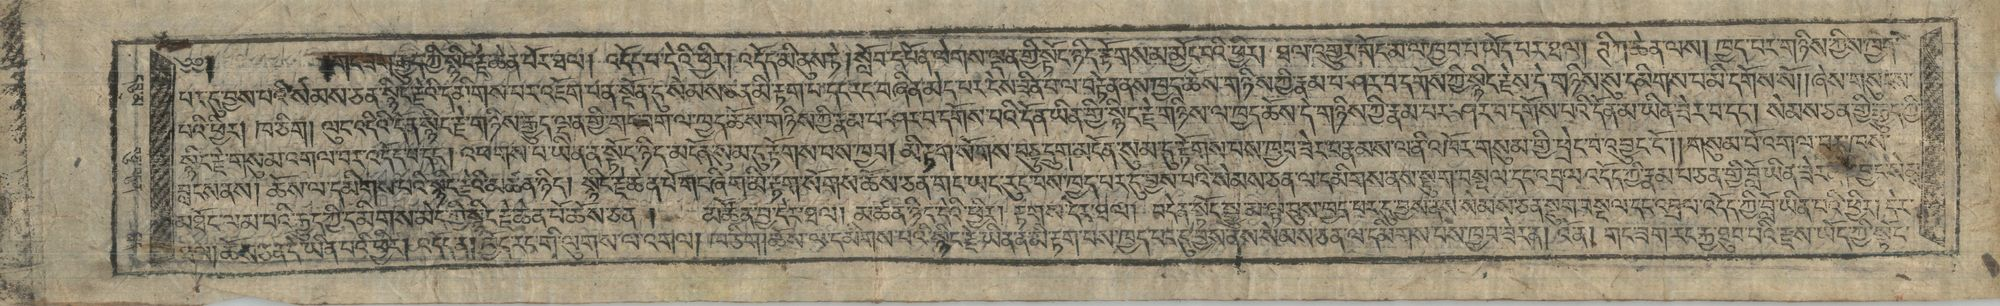༄༅། །གང་ཟག་རྒྱུད་ཀྱི་སྙིང་རྗེ་ཆེན་པོར་ཐལ། འདོད་པ་དེའི་ཕྱིར། འདོད་མི་ནུས་ཏེ། སློབ་དཔོན་ལེགས་ལྡན་གྱི་སྟོང་ཉིད་རྟོགས་མ་མྱོང་བའི་ཕྱིར། ཐལ་འགྱུར་གོང་མ་ལ་ཁྱབ་པ་ཡོད་པར་ཐལ། ཊིཀ་ཆེན་ལས། ཁྱད་པར་གཉིས་ཀྱིས་ཁྱད་
པར་དུ་བྱས་པའི་སེམས་ཅན་སྙིང་རྗེའི་དམིགས་པར་འཇོག་པ་ན་སྔོན་དུ་སེམས་ཅན་མི་རྟག་པ་དང་རང་བཞིན་མེད་པར་ངེས་ཟིན་པ་ལ་བརྟེན་ནས་ཁྱད་ཆོས་གཉིས་ཀྱི་རྣམ་པ་ཤར་བ་དགོས་ཀྱི་སྙིང་རྗེས་དེ་གཉིས་སུ་དམིགས་པ་མི་དགོས་སོ། །ཞེས་གསུངས་
པའི་ཕྱིར། ཁ་ཅིག །ལུང་འདིའི་དོན་སྙིང་རྗེ་གཉིས་རྒྱུད་ལྡན་གྱི་གང་ཟག་ལ་ཁྱད་ཆོས་གཉིས་ཀྱི་རྣམ་པ་ཤར་བ་དགོས་པའི་དོན་ཡིན་གྱི་སྙིང་རྗེ་གཉིས་ལ་ཁྱད་ཆོས་དེ་གཉིས་ཀྱི་རྣམ་པར་ཤར་བ་དགོས་པའི་དོན་མ་ཡིན་ཟེར་བ་དང་། སེམས་ཅན་གྱི་རྒྱུད་ཀྱི་
སྙིང་རྗེ་གསུམ་འགལ་བར་འདོད་པ་དང་། འཕགས་པ་ཡིན་ན་སྟོང་ཉིད་མངོན་སུམ་དུ་རྟོགས་པས་ཁྱབ། མི་རྟག་སོགས་བཅུ་དྲུག་མངོན་སུམ་དུ་རྟོགས་པས་ཁྱབ་ཟེར་བ་རྣམས་ལ་ནི་འཁོར་གསུམ་གྱི་ཕྲེང་བ་འབྱུང་ངོ། །གསུམ་པོ་འགལ་བར་ཁས་
བླངས་ནས། ཆོས་ལ་དམིགས་པའི་སྙིང་རྗེའི་མཚན་ཉིད། སྙིང་རྗེ་ཆེན་པོ་གང་ཞིག་མི་རྟག་སོགས་ཆོས་ཅན་གང་ཡང་རུང་བས་ཁྱད་པར་དུ་བྱས་པའི་སེམས་ཅན་ལ་དམིགས་ནས་སྡུག་བསྔལ་དང་འབྲལ་འདོད་ཀྱི་རྣམ་པ་ཅན་གྱི་བློ་ཡིན་ཟེར་ན། བྱང་སེམས་
མཐོང་ལམ་པའི་རྒྱུད་ཀྱི་དམིགས་མེད་ཀྱི་སྙིང་རྗེ་ཆེན་པོ་ཆོས་ཅན། མཚོན་བྱ་དེར་ཐལ། མཚན་ཉིད་དེའི་ཕྱིར། རྟགས་དེར་ཐལ། བདེན་སྟོང་སྒྱུ་མ་ལྟ་བུས་ཁྱད་པར་དུ་བྱས་ནས་སེམས་ཅན་སྡུག་བསྔལ་དང་འབྲལ་འདོད་ཀྱི་བློ་ཡིན་པའི་ཕྱིར། དེར་
ཐལ། ཆོས་ཅན་དེ་ཡིན་པའི་ཕྱིར། འདོད་ན། ཁྱོད་རང་གི་ལུགས་ལ་འགལ། ཁ་ཅིག །ཆོས་ལ་དམིགས་པའི་སྙིང་རྗེ་ཡིན་ན་མི་རྟག་པས་ཁྱད་པར་དུ་བྱས་ནས་སེམས་ཅན་ལ་དམིགས་པས་ཁྱབ་ཟེར་ན། འོ་ན། གང་ཟག་རང་རྐྱ་ཐུབ་པའི་རྫས་ཡོད་ཀྱི་སྟོང་